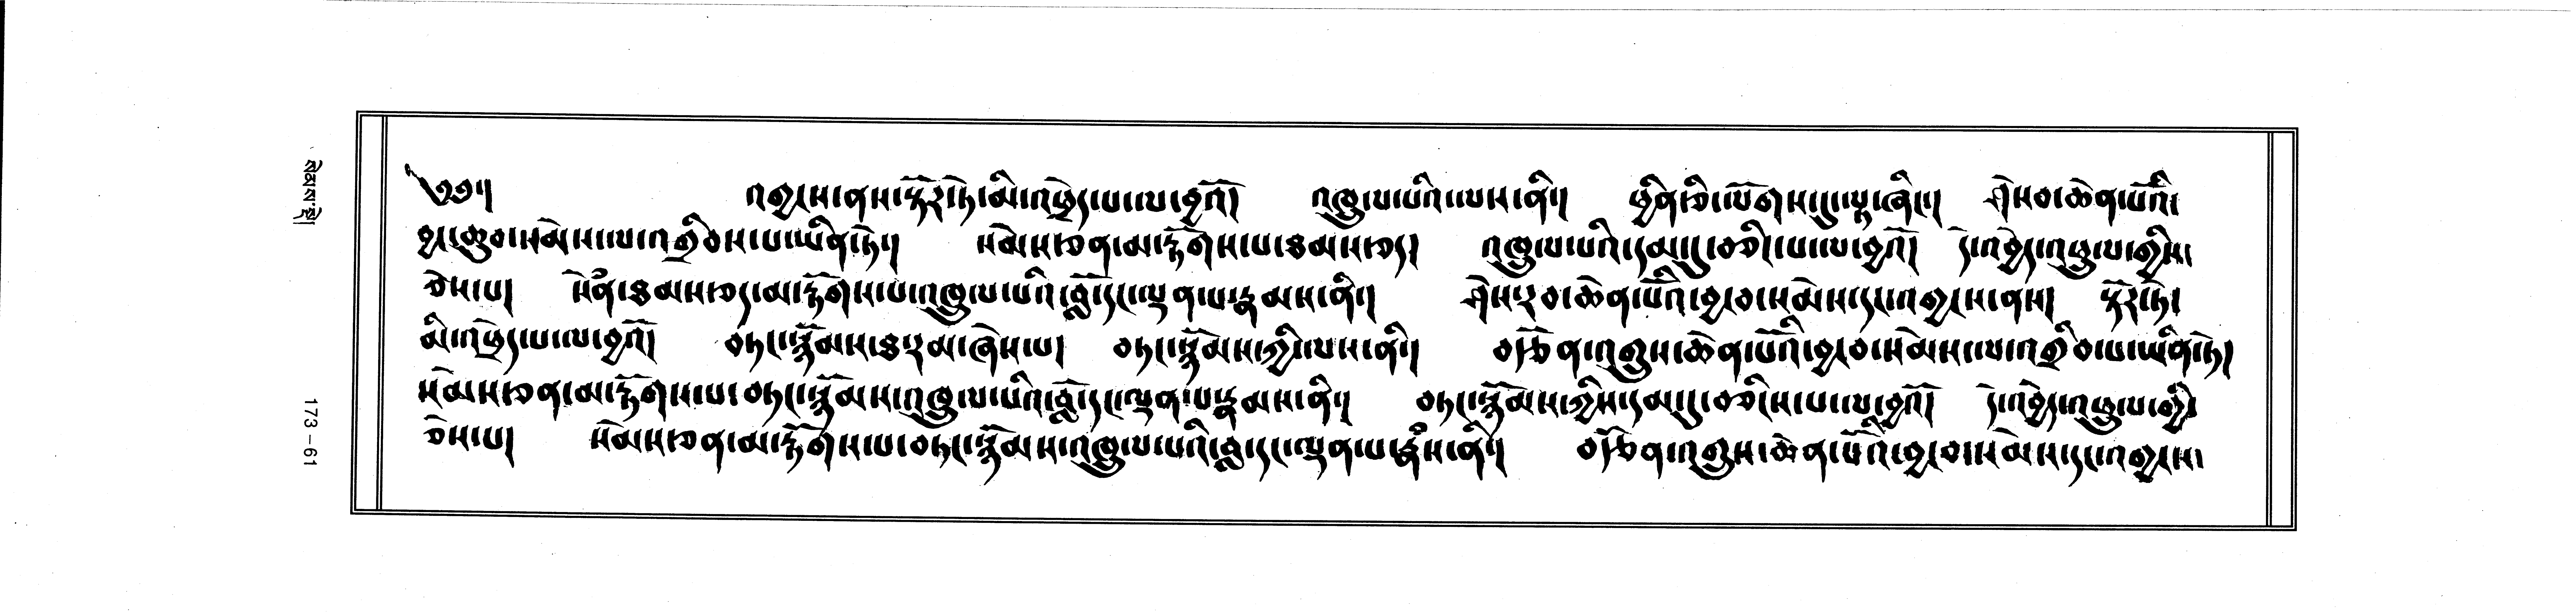འགྱངས་ནས་སྟོར་ཏེ་མི་འཕྲད་པ་ལ་བྱའོ། །འཁྲུལ་པའི་ལས་ནི་ཕྱིན་ཅི་ལོག་ཏུ་བལྟ་ཞིང་། ཤེས་རབ་ཆེན་པོའི་
བྱང་ཆུབ་སེམས་ལ་འགྲིབ་པ་ཡིན་ཏེ། སེམས་ཅན་མ་རྟོགས་པ་ཐམས་ཅད། འཁྲུལ་པའི་དམ་དུ་བཅིངས་པ་ལ་བྱའོ། །དེ་འབྱེད་འཔྲུལ་གྱིས་
ཅེས་པ། སེམས་ཅན་ཐམས་ཅད་མ་རྟོགས་པ་འཁྲུལ་པའི་བློ་དང་ལྡན་པ་རྣམས་ནི། ཤེས་རབ་ཆེན་པོའི་བྱང་ཆུབ་སེམས་དང་འགྱངས་ནས། སྟོར་ཏེ་
མི་འཕྲད་པ་ལ་བྱའོ། བཏང་སྙོམས་ཐ་རམ་ཞེས་པ། བཏང་སྙོམས་ཀྱི་ལས་ནི། བརྩོན་འགྲུས་ཆེན་པོའི་བྱང་ཆུབ་སེམས་ལ་འགྲིབ་པ་ཡིན་ཏེ། 
སེམས་ཅན་མ་རྟོགས་པ་བཏང་སྙོམས་འཁྲུལ་པའི་བློ་དང་ལྡན་པ་རྣམས་ནི། བཏང་སྙོམས་ཀྱིས་དམ་དུ་བཅིངས་པ་ལ་བྱའོ། །དེ་འབྱེད་འཕྲུལ་གྱི་
ཅེས་པ། སེམས་ཅན་མ་རྟོགས་པ་བཏང་སྙོམས་འཁྲུལ་པའི་བློ་དང་ལྡན་པ་རྣམས་ནི། བརྩོན་འགྲུས་ཆེན་པོའི་བྱང་ཆུབ་སེམ་དང་འགྱངས་